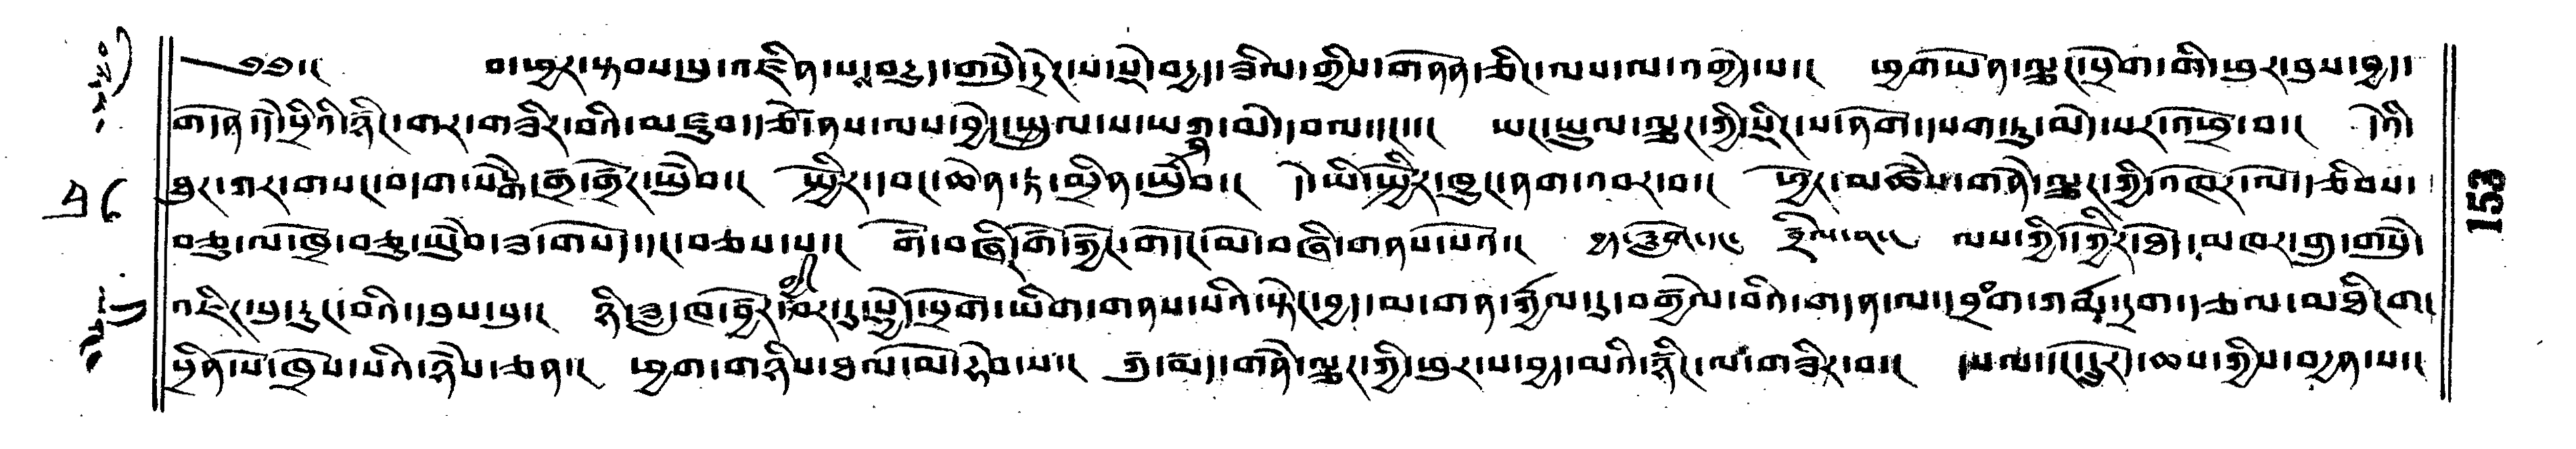བ་འཕྱར་སྟབས་སུ་འཛིན་པས་བརྒྱུད་གསུམ་དྲེགས་པ་སྡེ་བརྒྱད་ཟིལ་གྱིས་གནོན་ཅིང་ལས་ལ་འགྱེད་པ། ཕྱག་གཡོན་ལྕགས་སྲོག་གི་ཕུར་བུས་བྱད་
གདོན་དམ་སྲིའི་སྙིང་གར་གཟིར་བའི་མཛུབ་རྩེ་ནས་ལས་བྱེད་སྤྲུལ་པ་ཡཀྴ་མེ་དབལ་དང་། ཡང་སྤྲུལ་ལྕགས་ཀྱི་སྡིག་པ་ནག་པོ་དཔག་ཏུ་མེད་པར་འཕྲོ་བ། དེའི་
ཐུགས་ཀར་གསང་བདག་སེང་གེ་སྒྲ་སྒྲོག་ཡབ་ཡུམ། སྤྱི་བོར་དབང་ཆེན་རྟ་མགྲིན་ཡབ་ཡུམ། དེ་ཡི་སྤྱི་བོར་ཁྱུང་ནག་འབར་བ། ཕྱོགས་མཚམས་གནམ་ལྕགས་ཀྱི་འཁོར་ལོ་རྩིབས་
བཅུ་ལ་ཁྲོ་བཅུ་ཡབ་ཡུམ་ཟ་གསོད་དང་བཅས་པ། སྒོ་བཞིར་སྒོ་སྐྱོང་གདོང་མོ་བཞི་གནས་པའོ། བྱད་ཟློག་དང་སྦྲེལ་ན། ལས་ཀྱི་དཀྱིལ་འཁོར་ཐོད་མཁར་གྲུ་གསུམ་
འཇིགས་སུ་རུང་བའི་དབུས་སུ། ཉི་ཟླ་ཁ་སྦྱོར་གྱི་བར་དུ་སྡེ་བརྒྱད་སྲོག་ཡིག་གནས་པའི་སྟེང་བྱད་མ་གན་རྐྱལ་དུ་བསྒྱེལ་བའི་གདན་ལ་དབང་དྲག་ཀརྨ་དྲག་རྩལ་མཐིང་ནག་
སྲིན་པོ་ཁྲོས་པའི་ཉམས་ཅན། ཕྱག་གཉིས་ཐལ་མོ་རྡེབ་པ། སྐུ་སྨད་གནམ་ལྕགས་ཀྱི་ཕུར་པ་བྱད་མའི་སྙིང་ལ་གཟིར་བ། དཔལ་དང་དུར་ཁྲོད་ཆས་ཀྱིས་བརྒྱན་པ།